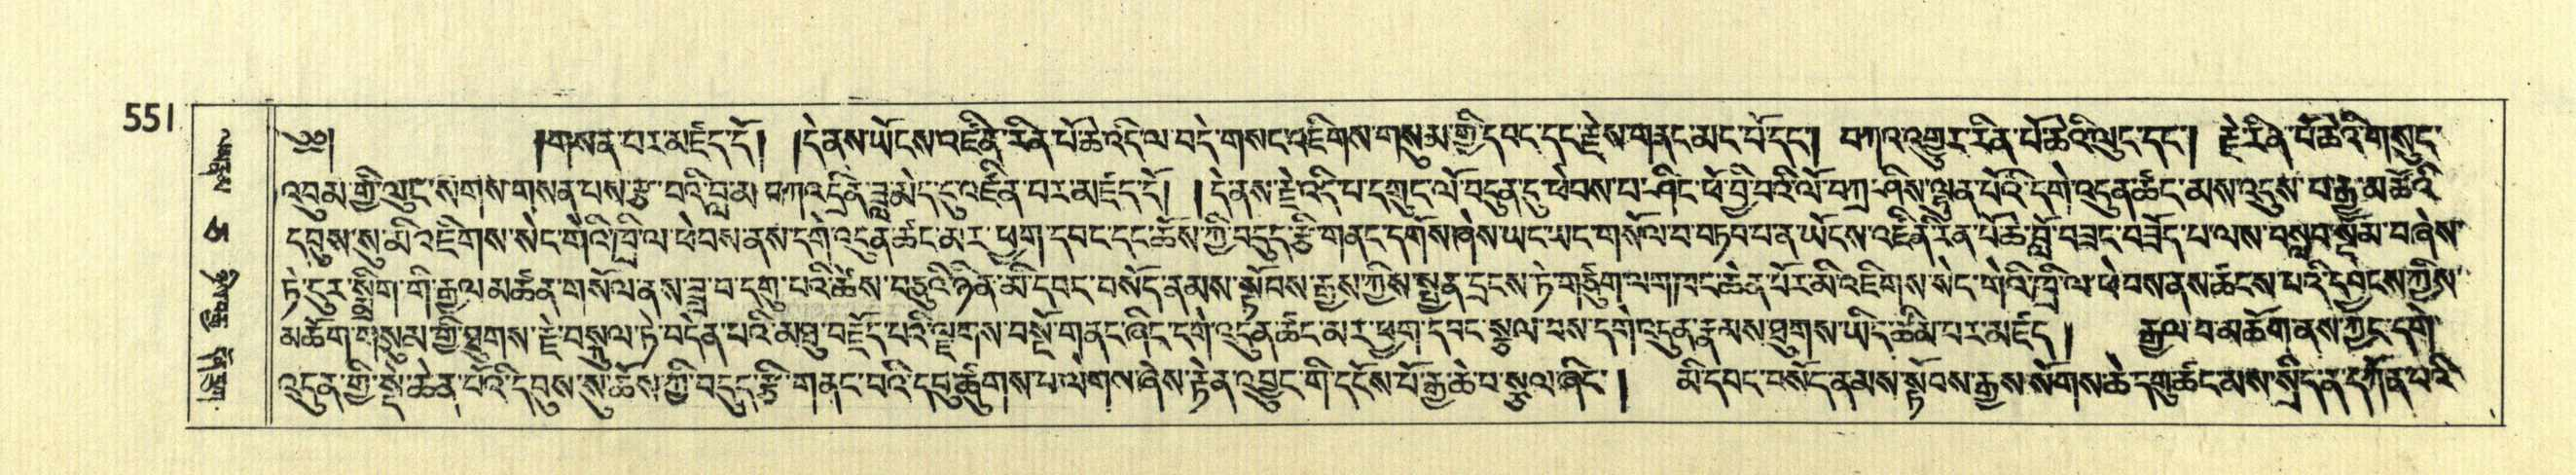༄༅། །གསན་པར་མཛད་དོ། །དེ་ནས་ཡོངས་འཛིན་རིན་པོ་ཆེ་འདི་ལ་བདེ་གསང་འཇིགས་གསུམ་གྱི་དབང་དང་རྗེས་གནང་མང་པོ་དང་། བཀའ་འགྱུར་རིན་པོ་ཆེའི་ལུང་དང་། རྗེ་རིན་པོ་ཆེའི་གསུང་
འབུམ་གྱི་ལུང་སོགས་གསན་པས་རྩ་བའི་བླ་མ་བཀའ་དྲིན་ཟླ་མེད་དུ་འཛིན་པར་མཛད་དོ། །དེ་ནས་རྗེ་འདི་པ་དགུང་ལོ་བདུན་དུ་ཕེབས་པ་ཤིང་ཕོ་བྱི་བའི་ལོ་བཀྲ་ཤིས་ལྷུན་པོའི་དགེ་འདུན་ཚང་མས་འདུས་པ་རྒྱ་མཚོའི་
དབུས་སུ་མི་འཇིགས་སེང་གེའི་ཁྲི་ལ་ཕེབས་ནས་དགེ་འདུན་ཚང་མར་ཕྱག་དབང་དང་ཆོས་ཀྱི་བདུད་རྩི་གནང་དགོས་ཞེས་ཡང་ཡང་གསོལ་བ་བཏབ་པ་ན་ཡོངས་འཛིན་རིན་པོ་ཆེ་བློ་བཟང་བཟོད་པ་ལས་བསླབ་སྡོམ་བཞེས་
ཏེ་དུར་སྨྲིག་གི་རྒྱལ་མཚན་གསོལ་ནས་ཟླ་བ་དགུ་པའི་ཚེས་བཅུའི་ཉིན་མི་དབང་བསོད་ནམས་སྟོབས་རྒྱས་ཀྱིས་སྤྱན་དྲངས་ཏེ་གཙུག་ལག་ཁང་ཆེན་པོར་མི་འཇིགས་སེང་གེའི་ཁྲི་ལ་ཕེབས་ནས་ཚངས་པའི་དབྱངས་ཀྱིས་
མཆོག་གསུམ་གྱི་ཐུགས་རྗེ་བསྐུལ་ཏེ་བདེན་པའི་མཐུ་བརྗོད་པའི་ལྗགས་བསྔོ་གནང་ཞིང་དགེ་འདུན་ཚང་མར་ཕྱག་དབང་སྩལ་པས་དགེ་འདུན་རྣམས་ཐུགས་ཡིད་ཚིམ་པར་མཛད། རྒྱལ་བ་མཆོག་ནས་ཀྱང་དགེ་
འདུན་གྱི་སྡེ་ཆེན་པོའི་དབུས་སུ་ཆོས་ཀྱི་བདུད་རྩི་གནང་བའི་དབུ་ཚུགས་པ་ལེགས་ཞེས་རྟེན་འབྱུང་གི་དངོས་པོ་རྒྱ་ཆེ་བ་སྩལ་ཞིང་། མི་དབང་བསོད་ནམས་སྟོབས་རྒྱས་སོགས་ཆེ་དགུ་ཚང་མས་སྲིད་ན་དཀོན་པའི་